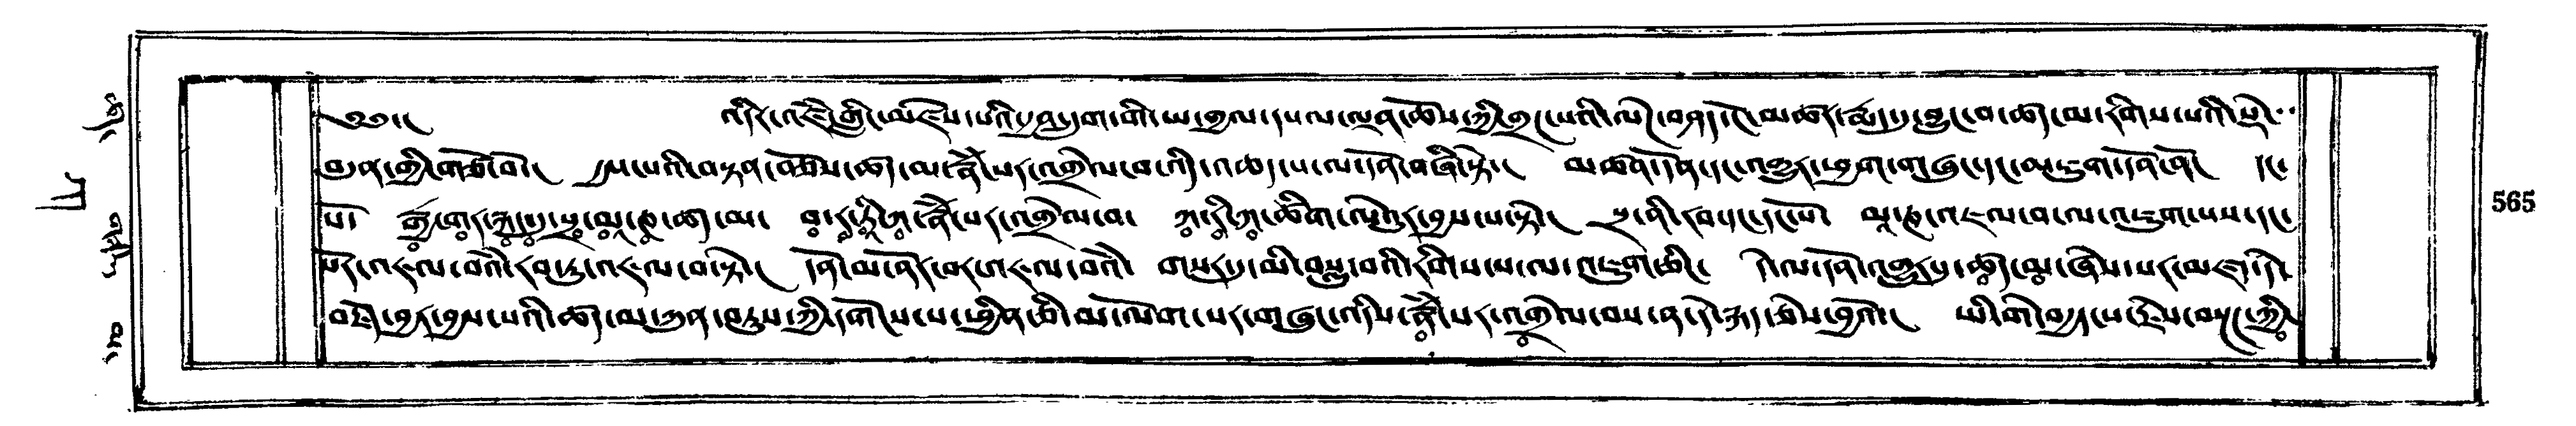འདིར་འཛམ་གླིང་མཛེས་པའི་རྒྱན་དྲུག་གི་ཡ་གྱལ་དཔལ་ལྡན་ཆོས་ཀྱི་གྲགས་པའི་ལེགས་བཤད་ངོ་མཚར་རྨད་དུ་བྱུང་བ་ཚད་མ་རིག་པའི་སྡེ་
བདུན་གྱི་གཙོ་བོ། རྒྱས་པའི་བསྟན་བཅོས་ཚད་མ་རྣམ་པར་འགྲེལ་བ་འདི་འཆད་པ་ལ་དོན་བཞི་སྟེ། མཚན་དོན་དང་འགྱུར་ཕྱག་གཞུང་དང་མཇུག་དོན་ནོ།། དང་
པོ། རྒྱ་གར་སྐད་དུ་པྲ་མཱ་ཎ་ཚད་མ། བ་ར་ཏཱི་ཀ་རྣམ་པར་འགྲེལ་བ། ཀ་རི་ཀ་ཚིག་ལེའུར་བྱས་པ་སྟེ། པྲ་ནི་རབ་དང་དང་པོ། མཱ་ཎ་འཇལ་བ་ལ་འཇུག་པས་དང་
པོར་འཇལ་བའམ་རབ་ཏུ་འཇལ་བ་སྟེ། དོན་མ་ནོར་བར་འཇལ་བའམ། གསར་དུ་མི་བསླུ་བའི་རིག་པ་ལ་འཇུག་ཅིང་། དེ་ལ་དོན་འགྱུར་དུ་ཚད་མ་ཞེས་པར་མཛད་དེ་
བརྗོད་བྱར་བྱས་པའི་ཚད་མ་ཀུན་བཏུས་ཀྱི་དགོངས་པ་ཕྱིན་ཅི་མ་ལོག་པར་གཞུང་འདིས་རྣམ་པར་འགྲེལ་བས་ན་དེ་སྐད་ཅེས་བྱའོ།། ཡི་གེ་བརྒྱད་པ་རྗེས་བསྔགས་ཀྱི་